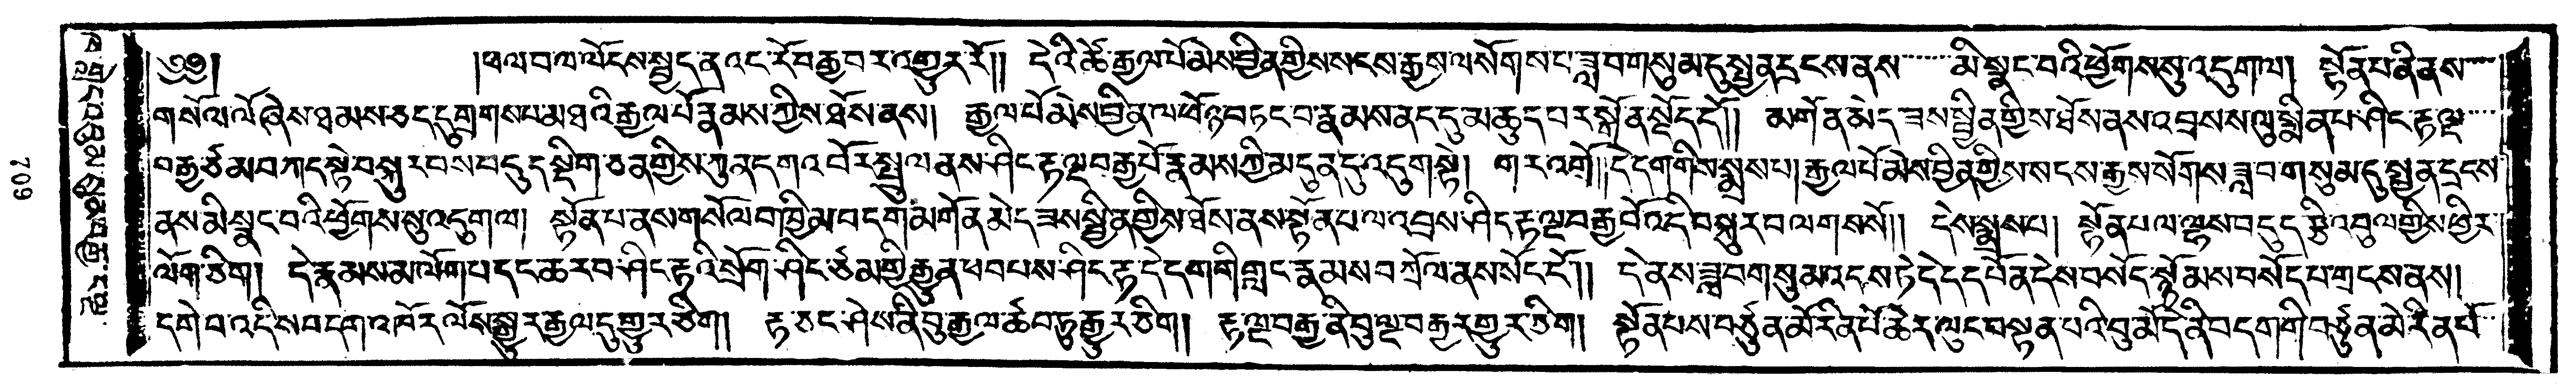༄༅། །ཕལ་བ་ལ་ལོངས་སྤྱད་ནའང་རོ་བརྒྱ་བར་འགྱུར་རོ།། དེའི་ཚེ་རྒྱལ་པོ་མེས་བྱིན་གྱིས་སངས་རྒྱས་ལ་སོགས་པ་ཟླ་བ་གསུམ་དུ་སྤྱན་དྲངས་ནས་མི་སྣང་བའི་ཕྱོགས་སུ་འདུག་ལ། སྟོན་པ་ནི་ནས་
གསོལ་ལོ་ཞེས་ཐམས་ཅད་དུ་གྲགས་པ་མཐའི་རྒྱལ་པོ་རྣམས་ཀྱིས་ཐོས་ནས། རྒྱལ་པོ་མེས་བྱིན་ལ་ཕོ་ཉ་བཏང་བ་རྣམས་ནང་དུ་མ་ཆུད་པར་སྒོ་ན་སྡོད་དོ།། མགོན་མེད་ཟས་སྦྱིན་གྱིས་ཐོས་ནས་འབྲས་ས་ལུ་སྨིན་པ་ཤིང་རྟ་ལྔ་
བརྒྱ་ཙམ་བཀད་སྟེ་བསྐུར་བས་བདུད་སྡིག་ཅན་གྱིས་ཀུན་དགའ་བོར་སྤྲུལ་ནས་ཤིང་རྟ་ལྔ་བརྒྱ་པོ་རྣམས་ཀྱི་མདུན་དུ་འདུག་སྟེ། གར་འགྲོ། །དེ་དག་གིས་སྨྲས་པ། རྒྱལ་པོ་མེས་བྱིན་གྱིས་སངས་རྒྱས་སོགས་ཟླ་བ་གསུམ་དུ་སྤྱན་དྲངས་
ནས་མི་སྣང་བའི་ཕྱོགས་སུ་འདུག་ལ། སྟོན་པ་ནས་གསོལ་བ་ཁྱིམ་བདག་མགོན་མེད་ཟས་སྦྱིན་གྱིས་ཐོས་ནས་སྟོན་པ་ལ་འབྲས་ཤིང་རྟ་ལྔ་བརྒྱ་བོ་འདི་བསྐུར་བ་ལགས་སོ།། དེས་སྨྲས་པ། སྟོན་པ་ལ་ལྷས་བདུད་རྩི་འབུལ་གྱིས་ཕྱིར་
ལོག་ཅིག། དེ་རྣམས་མ་ལོག་པ་དང་ཆར་བ་ཤིང་རྟའི་སྲོག་ཤིང་ཙམ་གྱི་རྒྱུན་ཕབ་པས་ཤིང་རྟ་དེ་དག་གི་གླང་རྣམས་བཀྲོལ་ནས་སོང་ངོ།། དེ་ནས་ཟླ་བ་གསུམ་འདས་ཏེ་དེད་དཔོན་དེས་བསོད་སྙོམས་བསོད་པ་གྲངས་ནས།
དགེ་བ་འདིས་བདག་འཁོར་ལོས་སྒྱུར་རྒྱལ་དུ་གྱུར་ཅིག། རྟ་ཅང་ཤེས་ནི་བུ་རྒྱལ་ཚབ་ཏུ་རྒྱུར་ཅིག། རྟ་ལྔ་བརྒྱ་ནི་བུ་ལྔ་བརྒྱར་གྱུར་ཅིག། སྟོན་པས་བཙུན་མོ་རིན་པོ་ཆེར་ལུང་བསྟན་པའི་བུ་མོ་དེ་ནི་བདག་གི་བཙུན་མེ་རིན་པོ་